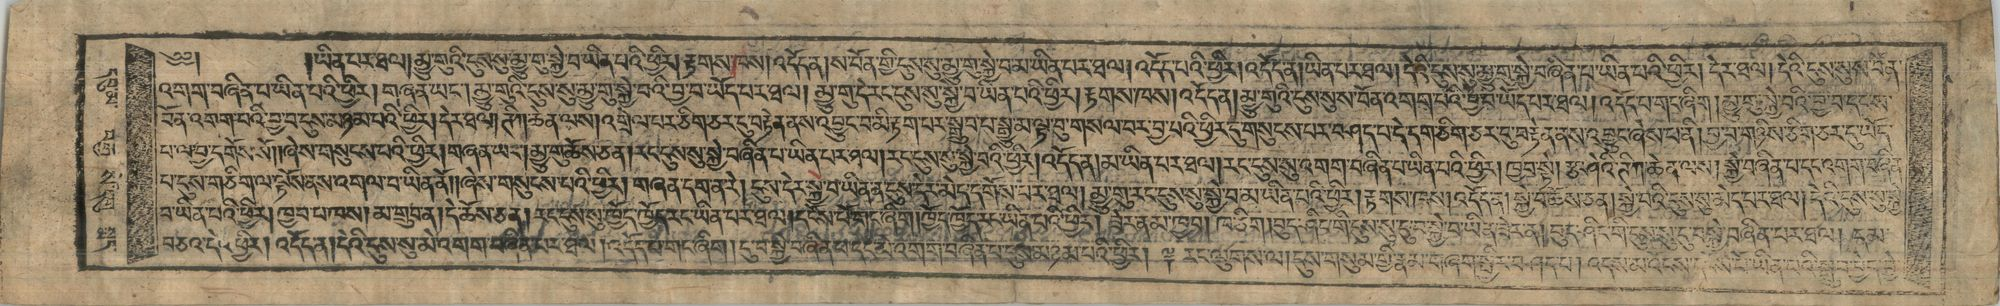༄༅། །ཡིན་པར་ཐལ། མྱུ་གུའི་དུས་སུ་མྱུ་གུ་སྐྱེ་བ་ཡིན་པའི་ཕྱིར། རྟགས་ཁས། འདོད་ན། ས་བོན་གྱི་དུས་སུ་མྱུ་གུ་སྐྱེ་བ་མ་ཡིན་པར་ཐལ། འདོད་པའི་ཕྱིར། འདོད་ན། ཡིན་པར་ཐལ། དེའི་དུས་སུ་མྱུ་གུ་སྐྱེ་བཞིན་པ་ཡིན་པའི་ཕྱིར། དེར་ཐལ། དེའི་དུས་སུ་ས་བོན་
འགག་བཞིན་པ་ཡིན་པའི་ཕྱིར། གཞན་ཡང་། མྱུ་གུའི་དུས་སུ་མྱུ་གུ་སྐྱེ་བའི་བྱ་བ་ཡོད་པར་ཐལ། མྱུ་གུ་དེ་རང་དུས་སུ་སྐྱེ་བ་ཡིན་པའི་ཕྱིར། རྟགས་ཁས། འདོད་ན། མྱུ་གུའི་དུས་སུ་ས་བོན་འགག་པའི་བྱ་བ་ཡོད་པར་ཐལ། འདོད་པ་གང་ཞིག །མྱུ་གུ་སྐྱེ་བའི་བྱ་བ་དང་ས་
བོན་འགག་པའི་བྱ་བ་དུས་མཉམ་པའི་ཕྱིར། དེར་ཐལ། ཊིཀཆེན་ལས། འགྲེལ་པར་ཅིག་ཅར་དུ་བརྟེན་ནས་འབྱུང་བ་མི་རྟག་པར་སྒྲུབ་པ་སྒྱུ་མ་ལྟ་བུ་གསལ་བར་བྱ་བའི་ཕྱིར་དུ་གསུངས་པར་བཤད་པ་དེ་དག་ཅིག་ཅར་དུ་བརྟེན་ནས་འབྱུང་ཞེས་པ་ནི། བྱ་བ་གཉིས་ཅིག་ཅར་དུ་ཡོད་
པ་ལ་བྱ་དགོས་སོ། །ཞེས་གསུངས་པའི་ཕྱིར། གཞན་ཡང་། མྱུ་གུ་ཆོས་ཅན། རང་དུས་སུ་སྐྱེ་བཞིན་པ་ཡིན་པར་ཐལ། རང་དུས་སུ་སྐྱེ་བའི་ཕྱིར། འདོད་ན། མ་ཡིན་པར་ཐལ། རང་དུས་སུ་འགག་བཞིན་པ་ཡིན་པའི་ཕྱིར། ཁྱབ་སྟེ། རྩ་ཤེའི་ཊིཀཆེན་ལས། སྐྱེ་བཞིན་པ་དང་འགག་བཞིན་
པ་དུས་གཅིག་ལ་ལྟོས་ནས་འགལ་བ་ཡིན་ནོ། །ཞེས་གསུངས་པའི་ཕྱིར། གཞན་དག་ན་རེ། དུས་དེར་སྐྱེ་བ་ཡིན་ན་དུས་དེར་མེད་དགོས་པར་ཐལ། མྱུ་གུ་རང་དུས་སུ་སྐྱེ་བ་མ་ཡིན་པའི་ཕྱིར། རྟགས་ཁས། འདོད་ན། སྐྱེ་བ་ཆོས་ཅན། སྐྱེ་བའི་དུས་སུ་མེད་པར་ཐལ། དེའི་དུས་སུ་སྐྱེ་
བ་ཡིན་པའི་ཕྱིར། ཁྱབ་པ་ཁས། མ་གྲུབ་ན། དེ་ཆོས་ཅན། རང་དུས་སུ་ཁྱོད་ཁྱོད་རང་ཡིན་པར་ཐལ། དངོས་པོ་གང་ཞིག །ཁྱོད་ཁྱོད་རང་ཡིན་པའི་ཕྱིར། ཟེར་ན་མ་ཁྱབ། ཁ་ཅིག །བུད་ཤིང་གི་དུས་སུ་དུ་བསྐྱེབ་ཡིན་ཟེར་ན། བུད་ཤིང་གི་དུས་སུ་དུ་བསྐྱེབཞིན་པར་ཐལ། དམ་
བཅའ་དེའི་ཕྱིར། འདོད་ན། དེའི་དུས་སུ་མེ་འགག་བཞིན་པར་ཐལ། འདོད་པ་གང་ཞིག །དུ་བསྐྱེབཞིན་པ་དང་མེ་འགག་བཞིན་པ་དུས་མཉམ་པའི་ཕྱིར། ༈ རང་ལུགས་ལ། དུས་གསུམ་གྱི་རྣམ་གཞག་སྤྱིར་བཤད་པ། འདས་མ་འོངས་དངོས་པོ་ཡིན་པའི་སྒྲུབ་བྱེད་བྱེ་